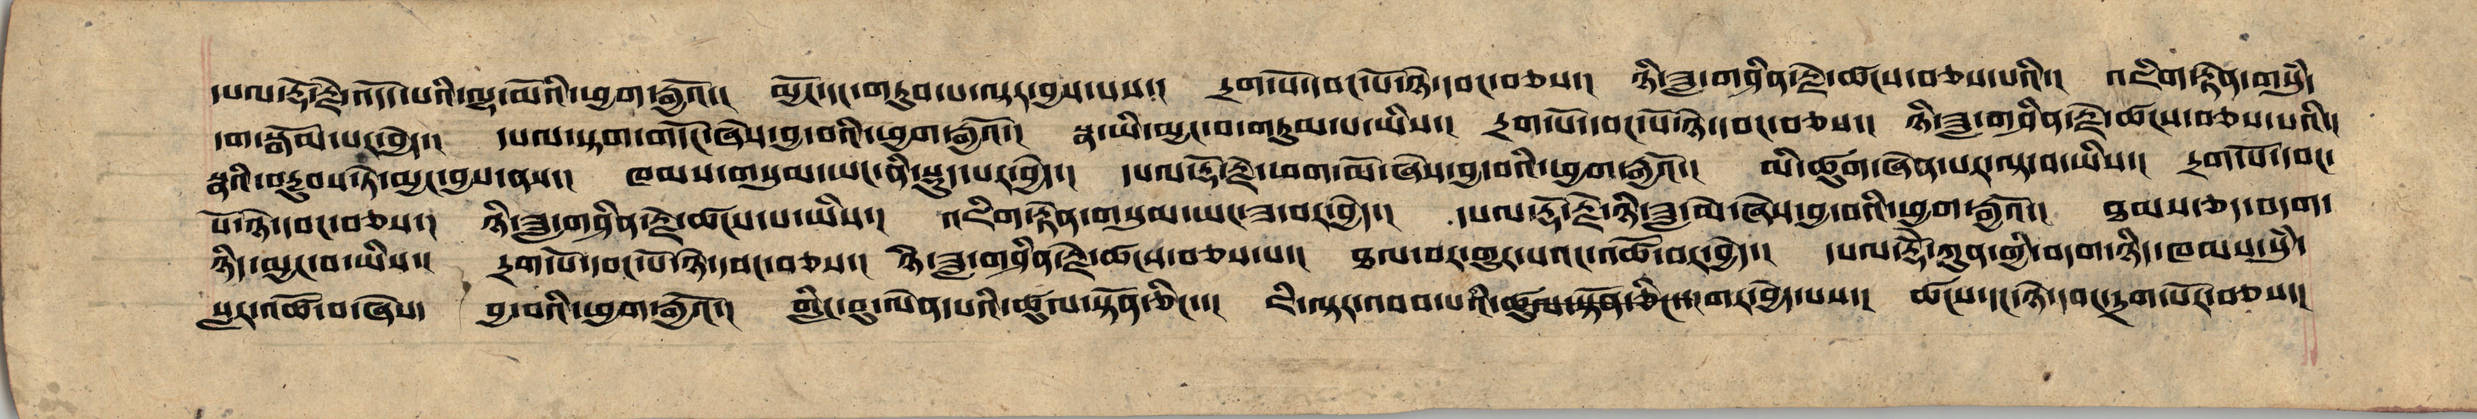དཔལ་རྡོ་རྗེ་འདོད་པའི་ལྷ་མོའི་ཕྱག་རྒྱའོ་། མྱོང་དང་གཏུབ་པ་ལྟར་བྱས་པས་། དྲག་པོ་དབང་པོ་ཉེ་དབང་བཅས་། ཉི་ཟླ་གཤིན་རྗེ་ཚངས་བཅས་པའི་། འཇིག་རྟེན་གསུཾ་
དག་སྒོམ་པར་བྱེད་། དཔལ་སྟག་གདོང་ཞེས་བྱ་བའི་ཕྱག་རྒྱའོ་། སྣ་ཡི་མྱང་བ་གཏུམ་པ་ཡིས་། དྲག་པོ་དབང་པོ་ཉེ་དབང་བཅས་། ཉི་ཟླ་གཤིན་རྗེ་ཚངས་བཅས་པའི་།
སྣའི་བརྔུབས་ཏེ་མྱང་བྱས་ནས་། ཁམས་གསུམ་ཡང་ནི་སྡུད་པར་བྱེད་། དཔལ་རྡོ་རྗེ་ཕག་མོ་ཞེས་བྱ་བའི་ཕྱག་རྒྱའོ་། མི་ཚུག་ཞེན་པར་ལྟ་བ་ཡིས་། དྲག་པོ་དབང་
པོ་ཉེ་དབང་བཅས་། ཉི་ཟླ་གཤིན་རྗེ་ཚངས་པ་ཡིས་། འཇིག་རྟེན་གསུམ་ཡང་ཟ་བར་བྱེད་། དཔལ་རྡོ་རྗེ་ཉི་ཟླ་མེ་ཞེས་བྱ་བའི་ཕྱག་རྒྱའོ་། ཐམས་ཅད་བདག་
ཉིད་མྱང་བ་ཡིས་། དྲག་པོ་དབང་པོ་ཉེ་དབང་བཅས་། ཉི་ཟླ་གཤིན་རྗེ་ཚངས་བཅས་པ་། ཐལ་བར་གྱུར་པའང་འཚོ་བར་བྱེད་། དཔལ་རྡོེ་ཀུན་གྱི་བདག་ཉིད་ཁམས་སུཾ་
སླར་འཚོ་བ་ཞེས་ བྱ་བའི་ཕྱག་རྒྱའོ་། གླིང་བུ་ལེན་པའི་ཚུལ་སྟོན་ཅིང་་། ཇི་ལྟར་འབབ་པའི་ཚུལ་སྟོན་ཅིང་གར་བྱེད་པས་། ཚངས་དང་ཉེ་དབང་དྲག་པོར་བཅས་།